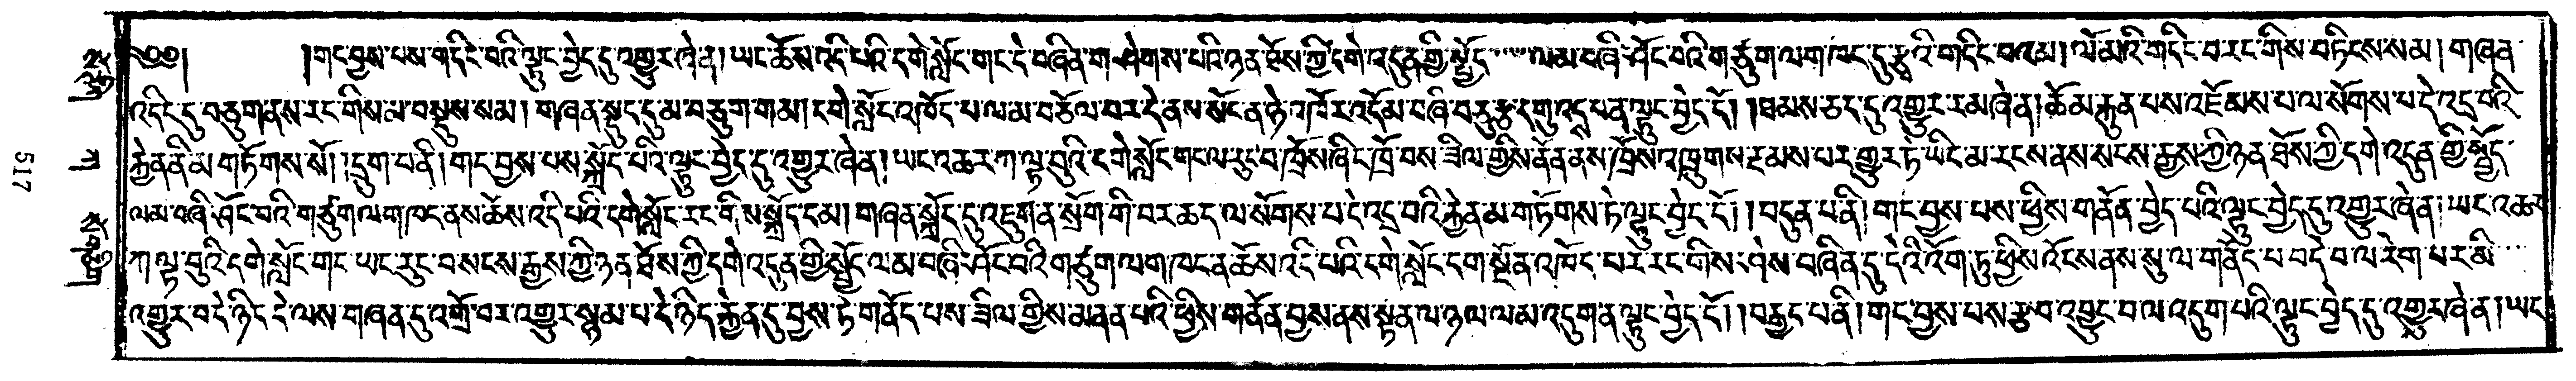༄༅། །གང་བྱས་པས་གདིང་བའི་ལྟུང་བྱེད་དུ་འགྱུར་ཞེ་ན། ཡང་ཆོས་འདི་པའི་དགེ་སློང་གང་དེ་བཞིན་གཤེགས་པའི་ཉན་ཐོས་ཀྱི་དགེ་འདུན་གྱི་སྤྱོད་ལམ་བཞི་ཤོང་བའི་གཙུག་ལག་ཁང་དུ་རྩྭཱི་གདིང་བའམ། ལོ་མའི་གདིང་བ་རང་གིས་བཏིངས་སམ། གཞན་
འདིང་དུ་བཅུག་ནས་རང་གིས་མ་བསྡུས་སམ། གཞན་སྡུང་དུ་མ་བཅུག་གམ། དགེ་སློང་འཁོད་པ་ལ་མ་བཅོལ་བར་དེ་ནས་སོང་ན་ཉེ་འཁོར་འདོམ་བཞི་བཅུ་རྩ་དགུ་འདས་པ་ན་ལྟུང་བྱེད་དོ། །ཐམས་ཅད་དུ་འགྱུར་རམ་ཞེ་ན། ཆོམ་རྐུན་པས་འཇོམས་པ་ལ་སོགས་པ་དེ་འདྲ་བའི་
རྐྱེན་ནི་མ་གཏོགས་སོ། །དྲུག་པ་ནི། གང་བྱས་པས་སྐྲོད་པའི་ལྟུང་བྱེད་དུ་འགྱུར་ཞེ་ན། ཡང་འཆར་ཀ་ལྟ་བུའི་དགེ་སློང་གང་ལ་རུང་བ་ཁྲོས་ཞིང་ཁྲོ་པས་ཟིལ་གྱིས་ནོན་ནས་ཁྲོས་འཁྲུགས་རྔམས་པར་གྱུར་ཏེ་ཡིང་མ་རངས་ནས་སངས་རྒྱས་ཀྱི་ཉན་ཐོས་ཀྱི་དགེ་འདུན་གྱི་སྤྱོད་
ལམ་བཞི་ཤོང་བའི་གཙུག་ལག་ཁང་ནས་ཆོས་འདི་པའི་དགེ་སློང་རང་གིས་སྐྲོད་དམ། གཞན་སྐྲོད་དུ་འཇུག་ན་སྲོག་གི་བར་ཆད་ལ་སོགས་པ་དེ་འདྲ་བའི་རྐྱེན་མ་གཏོགས་ཏེ་ལྟུང་བྱེད་དོ། །བདུན་པ་ནི། གང་བྱས་པས་ཕྱིས་གནོན་བྱེད་པའི་ལྟུང་བྱེད་དུ་འགྱུར་ཞེ་ན། ཡང་འཆར་
ཀ་ལྟ་བུའི་དགེ་སློང་གང་ཡང་རུང་བ་སངས་རྒྱས་ཀྱི་ཉན་ཐོས་ཀྱི་དགེ་འདུན་གྱི་སྤྱོད་ལམ་བཞི་ཤོང་བའི་གཙུག་ལག་ཁང་ན་ཆོས་འདི་པའི་དགེ་སློང་དག་སྔོན་འཁོད་པར་རང་གིས་ཤེས་བཞིན་དུ་དེའི་འོག་ཏུ་ཕྱིས་འོངས་ནས་སུ་ལ་གནོད་པ་བདེ་བ་ལ་རེག་པར་མི་
འགྱུར་བ་དེ་ཉིད་དེ་ལས་གཞན་དུ་འགྲོ་བར་འགྱུར་སྙམ་པ་དེ་ཉིད་རྐྱེན་དུ་བྱས་ཏེ་གནོད་པས་ཟིལ་གྱིས་མནན་པའི་ཕྱིས་གནོན་བྱས་ནས་སྟན་ལ་ཉལ་ལམ་འདུག་ན་ལྟུང་བྱེད་དོ། །བརྒྱད་པ་ནི། གང་བྱས་པས་རྩ་བ་འབྱུང་བ་ལ་འདུག་པའི་ལྟུང་བྱེད་དུ་འགྱུར་ཞེ་ན། ཡང་